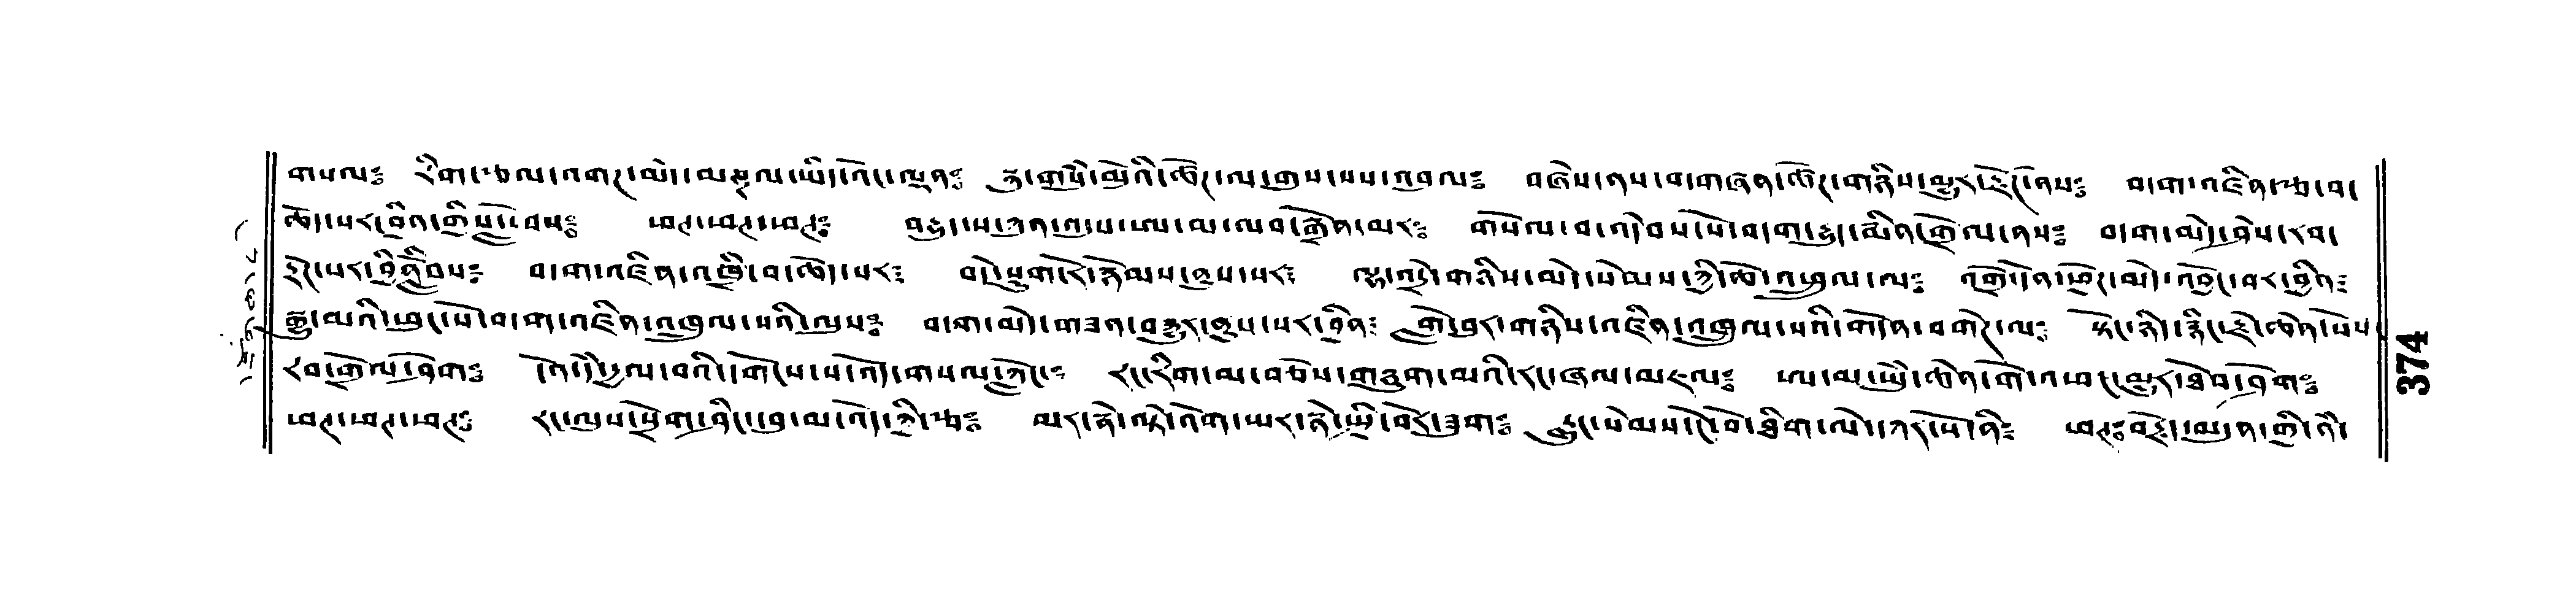གསལ༔ རིག་རྩལ་འགགས་མེད་མཎྜལ་ཡིད་འོང་ལྡན༔ སྐུ་གསུམ་མཁའ་འགྲོའི་ཚོགས་ལ་གུས་པས་འབུལ༔ བཞེས་ནས་བདག་གཞན་ཚོགས་གཉིས་མྱུར་རྫོགས་ནས༔ བདག་འཛིན་རྩ་བ་
ཆོད་པར་བྱིན་གྱིས་རློབས༔ ཕཊ་ཕཊ་ཕཊཿ བརྒྱུད་པ་ཀུན་འདུས་ཨ་མ་ལབ་སྒྲོན་མར༔ གསོལ་བ་འདེབས་སོ་བདག་རྒྱུད་སྨིན་གྲོལ་ནས༔ བདག་མེད་ཤེས་རབ་
རྟོགས་པར་བྱིན་གྱིས་རློབས༔ བདག་འཛིན་འཁྲི་བ་ཆོད་པར༴ བདེ་སྡུག་རོ་སྙོམས་ནུས་པར༴ ལྷ་འདྲེ་གཉིས་མེད་སེམས་ཀྱི་ཆོ་འཕྲུལ་ལ༔ འགྲོ་དོན་ཕྱོགས་མེད་འབྱོངས་བར་བྱིན༴ 
སྒྱུ་མའི་ཕུང་པོ་བདག་འཛིན་འཁྲུལ་པའི་ལུས༔བདག་མེད་གཟན་བསྐྱུར་ནུས་པར་བྱིན༴ གློ་བུར་གཉིས་འཛིན་འཁྲུལ་པའི་གདོན་བགེགས་ལ༔ སྟོང་ཉིད་སྙིང་རྗེ་ཆེན་པོས་
རབ་གྲོལ་ཤོག༔ དོན་དམ་རྒྱལ་བའི་དགོངས་པ་འོད་གསལ་ཀློང༔ རང་རིག་མ་བཅོས་གཉུག་མའི་རང་ཞལ་མཇལ༔ ཨ་མ་ཡུམ་ཆེན་གོ་འཕང་མྱུར་ཐོབ་ཤོག༔ 
ཕཊ་ཕཊ་ཕཊཿ རང་ལུས་སྲོག་ཤིང་དབུ་མ་འོད་ཀྱི་རྩ༔ མར་སྣེ་ལྟེ་འོག་ཡར་སྣེ་སྤྱི་བོར་ཟུག༔ རླུང་སེམས་ངོ་བོ་ཐིག་ལེ་དཀར་པོ་ནི༔ ཕཊཿབརྗོད་མདུན་གྱི་ནམ་